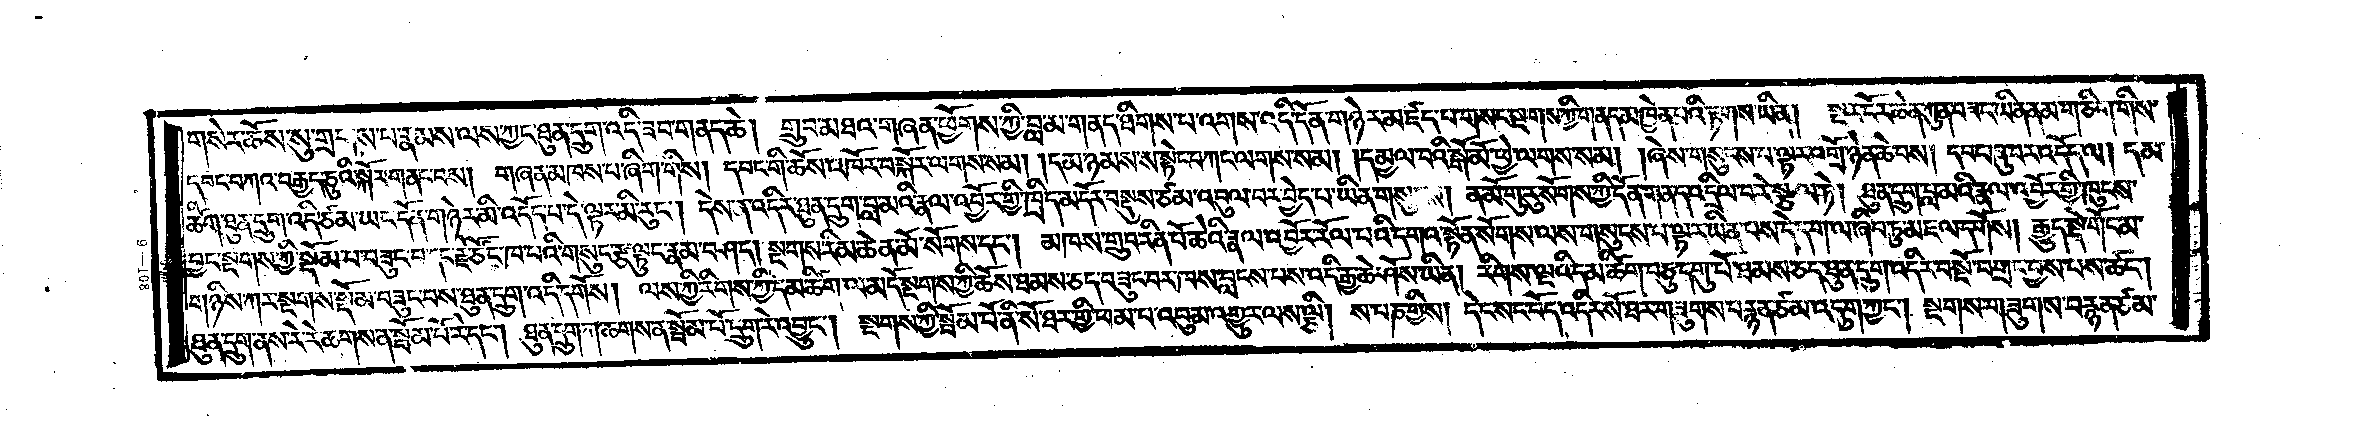གསེར་ཆོས་སུ་གྲགས་པ་རྣམས་ལས་ཀྱང་ཐུན་དྲུག་འདི་ཟབ་གནད་ཆེ། གྲུབ་མཐའ་གཞན་ཕྱོགས་ཀྱི་བླ་མ་གནད་ཐིགས་པ་འགས་འདི་དོན་གཉེར་མཛད་པ་གསང་སྔགས་ཀྱི་གནད་མཁྱེན་པའི་རྟགས་ཡིན། སྔར་ངོར་ཆེན་ཀུན་བཟང་ཡིན་ནམ་གཅིག་གིས་
དབང་བཀའ་བརྒྱད་ཅུའི་སྐོར་གནང་བས། གཞན་མཁས་པ་ཞིག་གིས། དབང་གི་ཆོས་འཁོར་བསྐོར་ལགས་སམ། །དམ་ཉམས་ས་སྟེང་བཀང་ལགས་སམ། །དམྱལ་བའི་སྒོ་མོ་ཕྱེ་ལགས་སམ། །ཞེས་གསུངས་པ་ལྟར་འགྲོ་ཉེན་ཆེ་བས། དབང་ཞུ་བར་འདོད་ལ། དམ་
ཚིག་ཐུན་དྲུག་འདི་ཙམ་ཡང་དོན་གཉེར་མི་འདོད་པ་དེ་ལྟར་མི་རུང་། དེས་ན་འདིར་ཐུན་དྲུག་བླ་མའི་རྣལ་འབྱོར་གྱི་ཁྲིད་མདོར་བསྡུས་ཙམ་འབུལ་བར་བྱེད་པ་ཡིན་གསུངས། ན་མོ་གུ་རུ་སོགས་ཀྱི་དོན་གནད་འདྲིལ་པ་རེ་སྩལ་ཏེ། ཐུན་དྲུག་བླ་མའི་རྣལ་འབྱོར་གྱི་ཁུངས་
བྱང་སྔགས་ཀྱི་སྡོམ་པ་བཟུང་བ་དང་རྗེ་ཙོང་ཁ་པའི་གསུང་རྩ་ལྟུང་རྣམ་བཤད། སྔགས་རིམ་ཆེན་མོ་སོགས་དང་། མཁས་གྲུབ་རིན་པོ་ཆེའི་རྣལ་འབྱོར་རོལ་པའི་དགའ་སྟོན་སོགས་ལས་གསུངས་པ་ལྟར་ཡིན་པས་དེ་དག་ལ་ཞིབ་ཏུ་མཇལ་དགོས། རྒྱུད་སྡེ་གོང་མ་
གཉིས་ཀར་སྔགས་སྡོམ་བཟུང་བས་ཐུན་དྲུག་འདི་དགོས། ལས་ཀྱི་རིགས་ཀྱི་དམ་ཚིག་ལ་མདོ་སྔགས་ཀྱི་ཆོས་ཐམས་ཅད་བཟུང་བར་ཁས་བླངས་པས་འདི་རྒྱ་ཆེ་ཤོས་ཡིན། རིགས་ལྔའི་དམ་ཚིག་བཅུ་དགུ་པོ་ཐམས་ཅད་ཐུན་དྲུག་འདིར་བསྔོ་བགྲང་བྱས་པས་ཚང་།
ཐུན་དྲུག་ནས་རེ་རེ་ཆགས་ན་སྦོམ་པོ་རེ་དང་། ཐུན་དྲུག་ཀ་ཆགས་ན་སྤོམ་པོ་དྲུག་རེ་འབྱུང་། སྔགས་ཀྱི་སྤོམ་པོ་ནི་སོ་ཐར་གྱི་ཕམ་པ་འབུམ་འགྱུར་ལས་ལྕི། ས་པཎ་གྱིས། དེང་སང་བོད་འདིར་སོ་ཐར་གཟུགས་བརྙན་ཙ་མ་འདུག་ཀྱང་། སྔགས་གཟུགས་བརྙན་ཙམ་